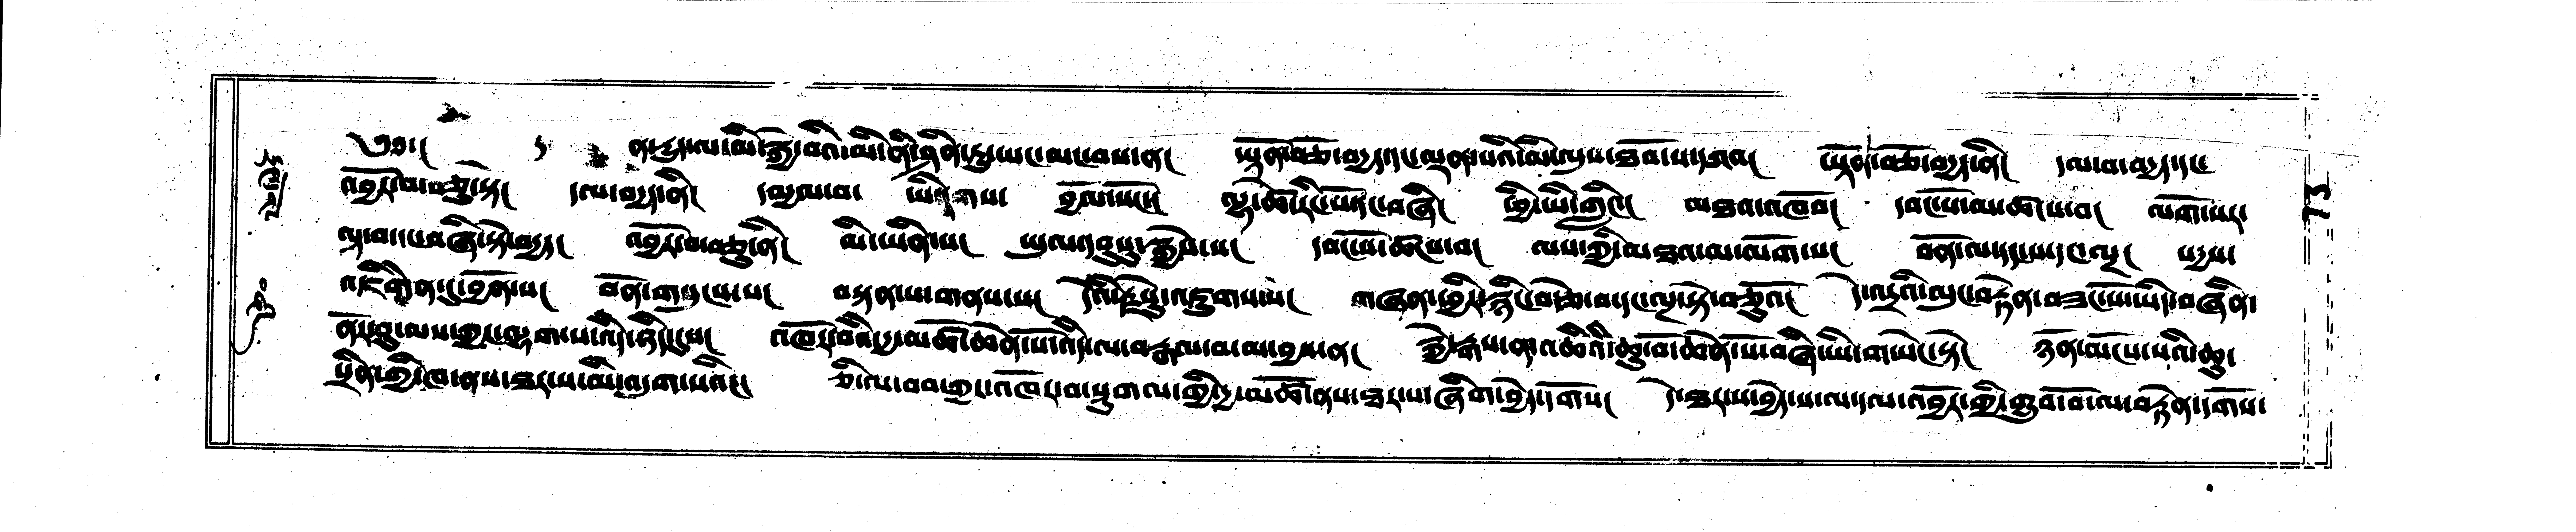རྒྱུད་ལ་མི་སྐྱེ་བ་ནི་ཤིན་ཏུ་ནས་མང་བས་ན། ཡོན་ཏན་བཅོ་བརྒྱད་དང་ལྡན་པའི་མི་ལུས་ཐོབ་པ་དཀའ། ཡོན་ཏན་བཅོ་བརྒྱད་ནི། དལ་བ་བརྒྱད་དང་
འབྱོར་བ་བཅུ་སྟེ། དལ་བརྒྱད་ནི། དམྱལ་བ་ཡི་དྭགས་བྱོལ་སོང་ལྷ་ཚེ་རིང་པོ་དང་བཞི། ཕྱི་ཡི་གླིང་མཐའ་འཁོབ་དབང་པོ་མ་ཚང་བ་ལོག་པར་
ལྟ་བ་བཞི་སྟེ་བརྒྱད། འབྱོར་བ་བཅུ་ནི། མི་ཡིན་པ་ཡུལ་དབུས་སུ་སྐྱེས་པ་དབང་པོ་ཚང་བ་ལས་ཀྱི་མཐའ་མ་ལོག་པ་བོན་ལ་དད་པ་དང་ལྔ། སངས་རྒྱས་
འཇིག་རྟེན་དུ་བྱོན་པ། བོན་གསུངས་པ། བསྟན་པ་གནས་པ། དེའི་རྗེས་སུ་འཇུག་པ། གཞན་ཕྱིར་སྙིང་བརྩེ་བ་དང་ལྔ་སྟེ་བཅུའོ། །དེ་འདྲའི་ལུས་རྟེན་བཟང་པོ་ཡིད་བཞིན་
ནོར་བུ་ལས་ཀྱང་ལྷག་པ་འདི་ཉིད་དུས། འཁོར་བའི་རྒྱ་མཚོ་ཆེན་པོ་འདི་ལ་བརྒལ་བ་མ་བྱས་ན། སྐྱེ་རྒས་ན་འཆིའི་ཆུ་བོ་ཆེན་པོ་བཞི་ལ་གཡེངས་ཏེ། ཉོན་མོངས་པའི་ཆུ་
སྲིན་གྱི་ཁ་ནས་ཐར་པ་མི་འདུག་པས། ཅི་ལ་བབས་ཀྱང་འཁོར་བ་སྡུག་བསྔལ་གྱི་རྒྱ་མཚོ་ནས་ཐར་པ་ཞིག་བྱེད་དགོས། དེ་ཐར་པ་བྱེད་པ་ལ་དལ་འབྱོར་གྱི་གྲུ་བོ་ལ་བརྟེན་དགོས་